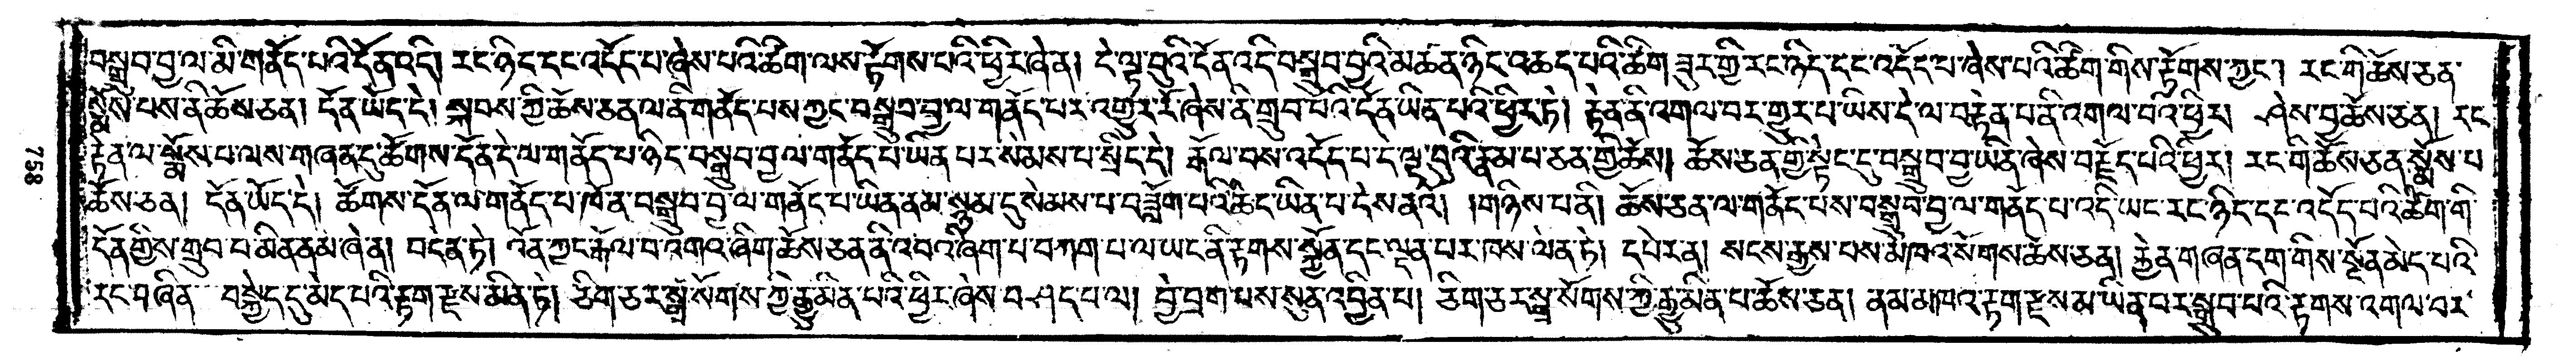བསྒྲུབ་བྱ་ལ་མི་གནོད་པའི་དོན་འདི། རང་ཉིད་དང་འདོད་པ་ཞེས་པའི་ཚིག་ལས་རྟོགས་པའི་ཕྱིར་ཞེ་ན། དེ་ལྟ་བུའི་དོན་འདི་བསྒྲུབ་བྱའི་མཚན་ཉིད་འཆད་པའི་ཚིག་ཟུར་གྱི་རང་ཉིད་དང་འདོད་པ་ཞེས་པའི་ཚིག་གིས་རྟོགས་ཀྱང་། རང་གི་ཆོས་ཅན་
སྨོས་པས་ནི་ཆོས་ཅན། དོན་ཡོད་དེ། སྐབས་ཀྱི་ཆོས་ཅན་ལ་ནི་གནོད་པས་ཀྱང་བསྒྲུབ་བྱ་ལ་གནོད་པར་འགྱུར་རོ་ཞེས་ནི་གྲུབ་པའི་དོན་ཡིན་པའི་ཕྱིར་ཏེ། རྟེན་ནི་འགལ་བར་གྱུར་པ་ཡིས་དེ་ལ་བརྟེན་པ་ནི་འགལ་བའི་ཕྱིར། ཤེས་བྱ་ཆོས་ཅན། རང་
རྟེན་ལ་སྨོས་པ་ལས་གཞན་དུ་ཚོགས་དོན་དེ་ལ་གནོད་པ་ཉིད་བསྒྲུབ་བྱ་ལ་གནོད་པ་ཡིན་པར་སེམས་པ་སྲིད་དེ། རྒོལ་བས་འདོད་པ་དེ་ལྟ་བུའི་རྣམ་པ་ཅན་གྱི་ཆོས། ཆོས་ཅན་གྱི་སྟེང་དུ་བསྒྲུབ་བྱ་ཡིན་ཞེས་བརྗོད་པའི་ཕྱིར། རང་གི་ཆོས་ཅན་སྨོས་པ་
ཆོས་ཅན། དོན་ཡོད་དེ། ཚོགས་དོན་ལ་གནོད་པ་ཁོ་ན་བསྒྲུབ་བྱ་ལ་གནོད་པ་ཡིན་ནམ་སྙམ་དུ་སེམས་པ་བཟློག་པའི་ཆིང་ཡིན་པ་དེས་ནའོ། །གཉིས་པ་ནི། ཆོས་ཅན་ལ་གནོད་པས་བསྒྲུབ་བྱ་ལ་གནོད་པ་འདི་ཡང་རང་ཉིད་དང་འདོད་པའི་ཚིག་གི་
དོན་གྱིས་གྲུབ་བ་མིན་ནམ་ཞེ་ན། བདེན་ཏེ། འོན་ཀྱང་རྒོལ་བ་འགའ་ཞིག་ཆོས་ཅན་ནི་འབའ་ཞིག་པ་བཀག་པ་ལ་ཡང་ནི་རྟགས་སྐྱོན་དང་ལྡན་པར་ཁས་ལེན་ཏེ། དཔེར་ན། སངས་རྒྱས་བས་མཁའ་སོགས་ཆོས་ཅན། རྐྱེན་གཞན་ངག་གིས་སྔོན་མེད་པའི་
རང་བཞིན་བསྐྱེད་དུ་མེད་པའི་རྟག་རྫས་མིན་ཏེ། ཅིག་ཅར་སྒྲོ་སོགས་ཀྱི་རྒྱུ་མིན་པའི་ཕྱིར་ཞེས་བཤད་པ་ལ། བྱེ་བྲག་པས་སུན་འབྱིན་པ། ཅིག་ཅར་སྒྲ་སོགས་ཀྱི་རྒྱུ་མིན་པ་ཆོས་ཅན། ནམ་མཁའ་རྟག་རྫས་མ་ཡིན་པར་སྒྲུབ་པའི་རྟགས་འགལ་བར་